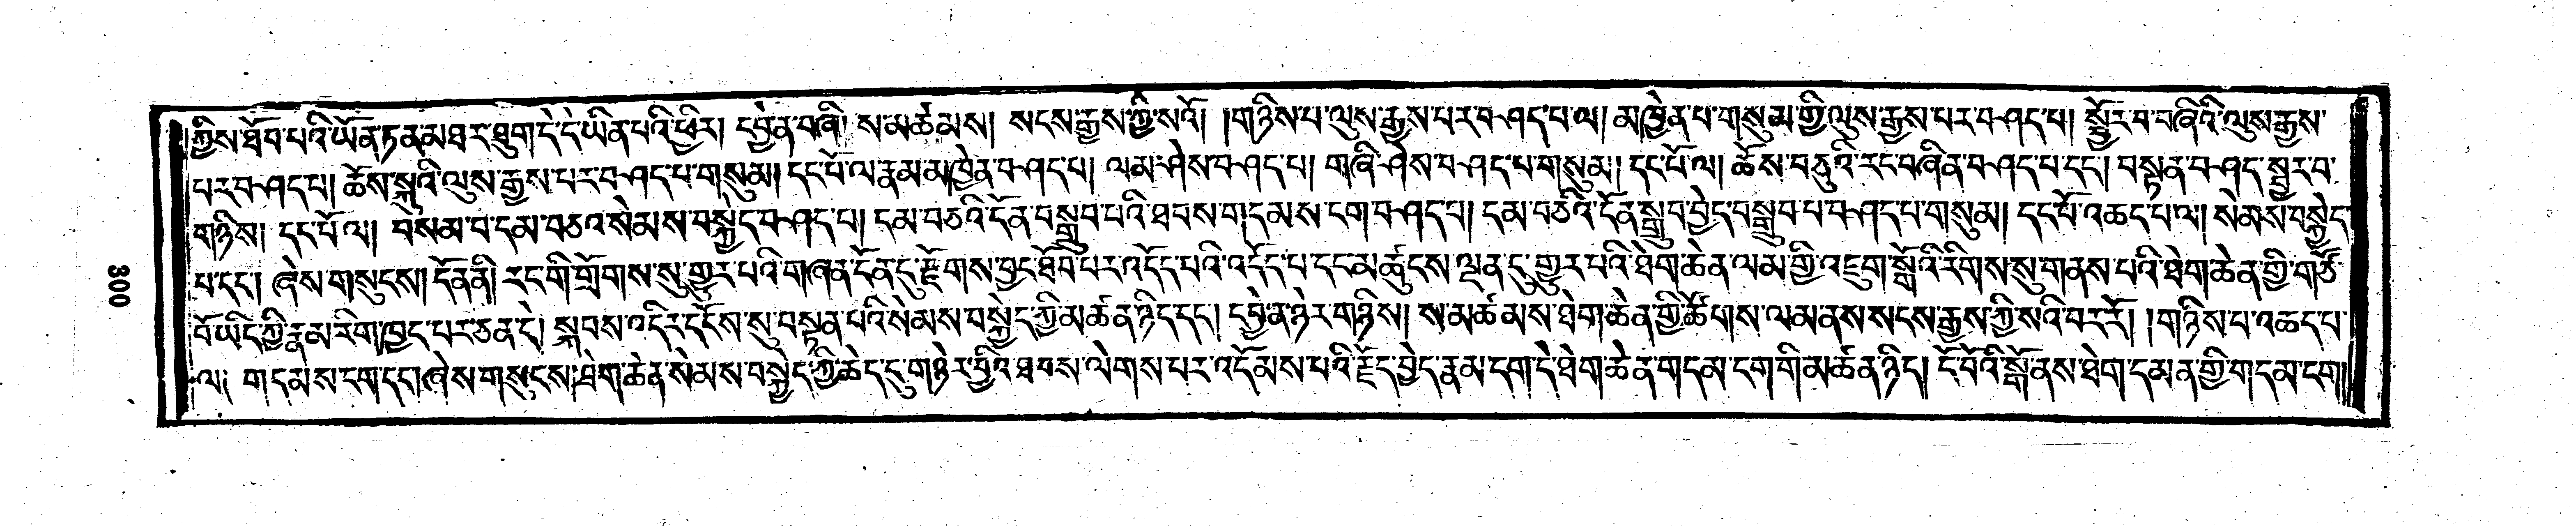ཀྱིས་ཐོབ་པའི་ཡོན་ཏན་མཐར་ཐུག་དེ་དེ་ཡིན་པའི་ཕྱིར། དབྱེ་ན་བཞི། ས་མཚམས། སངས་རྒྱས་ཀྱི་སའོ། །གཉིས་པ་ལུས་རྒྱས་པར་བཤད་པ་ལ། མཁྱེན་པ་གསུམ་གྱི་ལུས་རྒྱས་པར་བཤད་པ། སྦྱོར་བ་བཞིའི་ལུས་རྒྱས་
པར་བཤད་པ། ཆོས་སྐུའི་ལུས་རྒྱས་པར་བཤད་པ་གསུམ། དང་པོ་ལ་རྣམ་མཁྱེན་བཤད་པ། ལམ་ཤེས་བཤད་པ། གཞི་ཤེས་བཤད་པ་གསུམ། དང་པོ་ལ། ཆོས་བཅུའི་རང་བཞིན་བཤད་པ་དང་། བསྟན་བཤད་སྦྱར་བ་
གཉིས། དང་པོ་ལ། བསམ་པ་དམ་བཅའ་སེམས་བསྐྱེད་བཤད་པ། དམ་བཅའི་དོན་བསྒྲུབ་པའི་ཐབས་གདམས་ངག་བཤད་པ། དམ་བཅའི་དོན་སྒྲུབ་བྱེད་བསྒྲུབ་པ་བཤད་པ་གསུམ། དང་པོ་འཆད་པ་ལ། སེམས་བསྐྱེད་
པ་དང་། ཞེས་གསུངས། དོན་ནི། རང་གི་གྲོགས་སུ་གྱུར་པའི་གཞན་དོན་དུ་རྫོགས་བྱང་ཐོབ་པར་འདོད་པའི་འདོད་པ་དང་མཚུངས་ལྡན་དུ་གྱུར་པའི་ཐེག་ཆེན་ལམ་གྱི་འཇུག་སྒོའི་རིགས་སུ་གནས་པའི་ཐེག་ཆེན་གྱི་གཙོ་
བོ་ཡིད་ཀྱི་རྣམ་རིག་ཁྱད་པར་ཅན་དེ། སྐབས་འདིར་དངོས་སུ་བསྟན་པའི་སེམས་བསྐྱེད་ཀྱི་མཚན་ཉིད་དང་། དབྱེ་ན་ཉེར་གཉིས། ས་མཚམས་ཐེག་ཆེན་གྱི་ཚོགས་ལམ་ནས་སངས་རྒྱས་ཀྱི་སའི་བར་རོ། །གཉིས་པ་འཆད་པ་
ལ༑ གདམས་ངག་དང་། ཞེས་གསུངས། ཐེག་ཆེན་སེམས་བསྐྱེད་ཀྱི་ཆེད་དུ་གཉེར་བྱའི་ཐབས་ལེགས་པར་འདོམས་པའི་རྗོད་བྱེད་རྣམ་དག་དེ་ཐེག་ཆེན་གདམ་ངག་གི་མཚན་ཉིད། ངོ་བོའི་སྒོ་ནས་ཐེག་དམན་གྱི་གདམ་ངག །